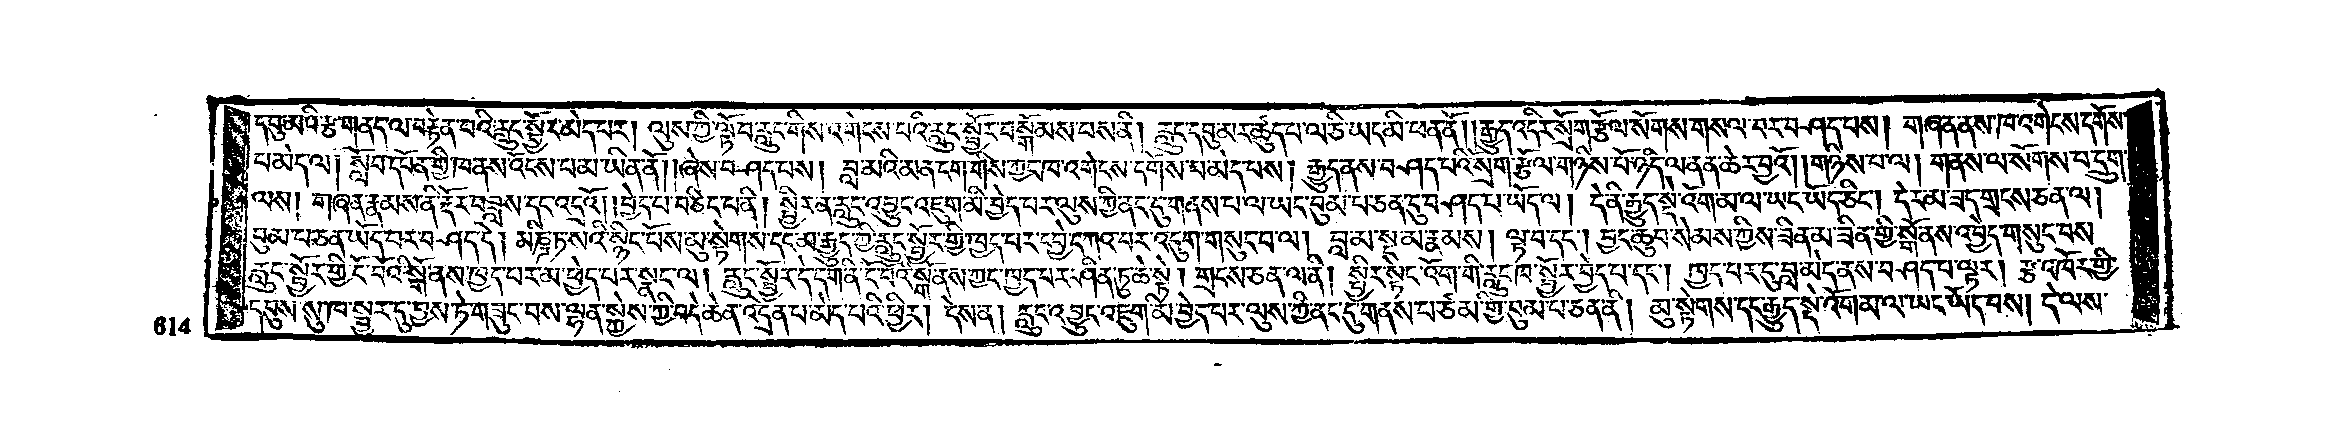དབུ་མའི་རྩ་གནད་ལ་བརྟེན་པའི་རླུང་སྦྱོར་མེད་པར། ལུས་ཀྱི་ལྟོ་བ་རླུང་གིས་འགེངས་པའི་རླུང་སྦྱོར་བསྒོམས་པས་ནི། རླུང་དབུ་མར་ཚུད་པ་ལ་ཅི་ཡང་མི་ཕན་ནོ། །རྒྱུད་འདིར་སྲོག་རྩོལ་སོགས་གསལ་བར་བཤད་པས། གཞན་ནས་ཁ་འགེངས་དགོས་
པ་མེད་ལ། སློབ་དཔོན་གྱི་ཁ་ནས་འོངས་པ་མ་ཡིན་ནོ། །ཞེས་བཤད་པས། བླ་མའི་མན་ངག་གིས་ཀྱང་ཁ་འགེངས་དགོས་པ་མེད་པས། རྒྱུད་ནས་བཤད་པའི་སྲོག་རྩོལ་གཉིས་པོ་ཉིད་ལ་ནན་ཆེར་བྱའོ། །གཉིས་པ་ལ། གནས་ལ་སོགས་པ་དྲུག་
ལས། གཞན་རྣམས་ནི་རྡོར་བཟླས་དང་འདྲའོ། །བྱེད་པ་བཅིང་པ་ནི། སྤྱིར་ན་རླུང་འབྱུང་འཇུག་མི་བྱེད་པར་ལུས་ཀྱི་ནང་དུ་གནས་པ་ལ་ཡང་བུམ་པ་ཅན་དུ་བཤད་པ་ཡོད་ལ། དེ་ནི་རྒྱུད་སྡེ་འོག་མ་ལ་ཡང་ཡོད་ཅིང་། དེར་མ་ཟད་གྲངས་ཅན་ལ།
བུམ་པ་ཅན་ཡོད་པར་བཤད་དེ། པཎྜི་ཏ་སའི་སྙིང་པོས་མུ་སྟེགས་དང་མ་རྒྱུད་ཀྱི་རླུང་སྦྱོར་གྱི་ཁྱད་པར་དབྱེ་དཀའ་བར་འདུག་གསུང་བ་ལ། བླ་མ་སྔ་མ་རྣམས། ལྟ་བ་དང་། བྱང་ཆུབ་སེམས་ཀྱིས་ཟིན་མ་ཟིན་གྱི་སྒོ་ནས་འབྱེད་གསུང་བས་
རླུང་སྦྱོར་གྱི་ངོ་བོའི་སྒོ་ནས་ཁྱད་པར་མ་ཕྱེད་པར་སྣང་ལ། རླུང་སྦྱོར་དེ་དག་ནི་ངོ་བོའི་སྒོ་ནས་ཀྱང་ཁྱད་པར་ཤིན་ཏུ་ཆེ་སྟེ། གྲངས་ཅན་ལ་ནི། སྤྱིར་སྟེང་འོག་གི་རླུང་ཁ་སྦྱོར་བྱེད་པ་དང་། ཁྱད་པར་དུ་བླ་མེད་ནས་བཤད་པ་ལྟར། རྩ་འཁོར་གྱི་
དབུས་སུ་ཁ་སྦྱར་དུ་བྱས་ཏེ་གཟུང་བས་ལྷན་སྐྱེས་ཀྱི་བདེ་ཆེན་འདྲེན་པ་མེད་པའི་ཕྱིར། དེས་ན། རླུང་འབྱུང་འཇུག་མི་བྱེད་པར་ལུས་ཀྱི་ནང་དུ་གནས་པ་ཙམ་གྱི་བུམ་པ་ཅན་ནི། མུ་སྟེགས་དང་རྒྱུད་སྡེ་འོག་མ་ལ་ཡང་ཡོད་པས། དེ་ལས་